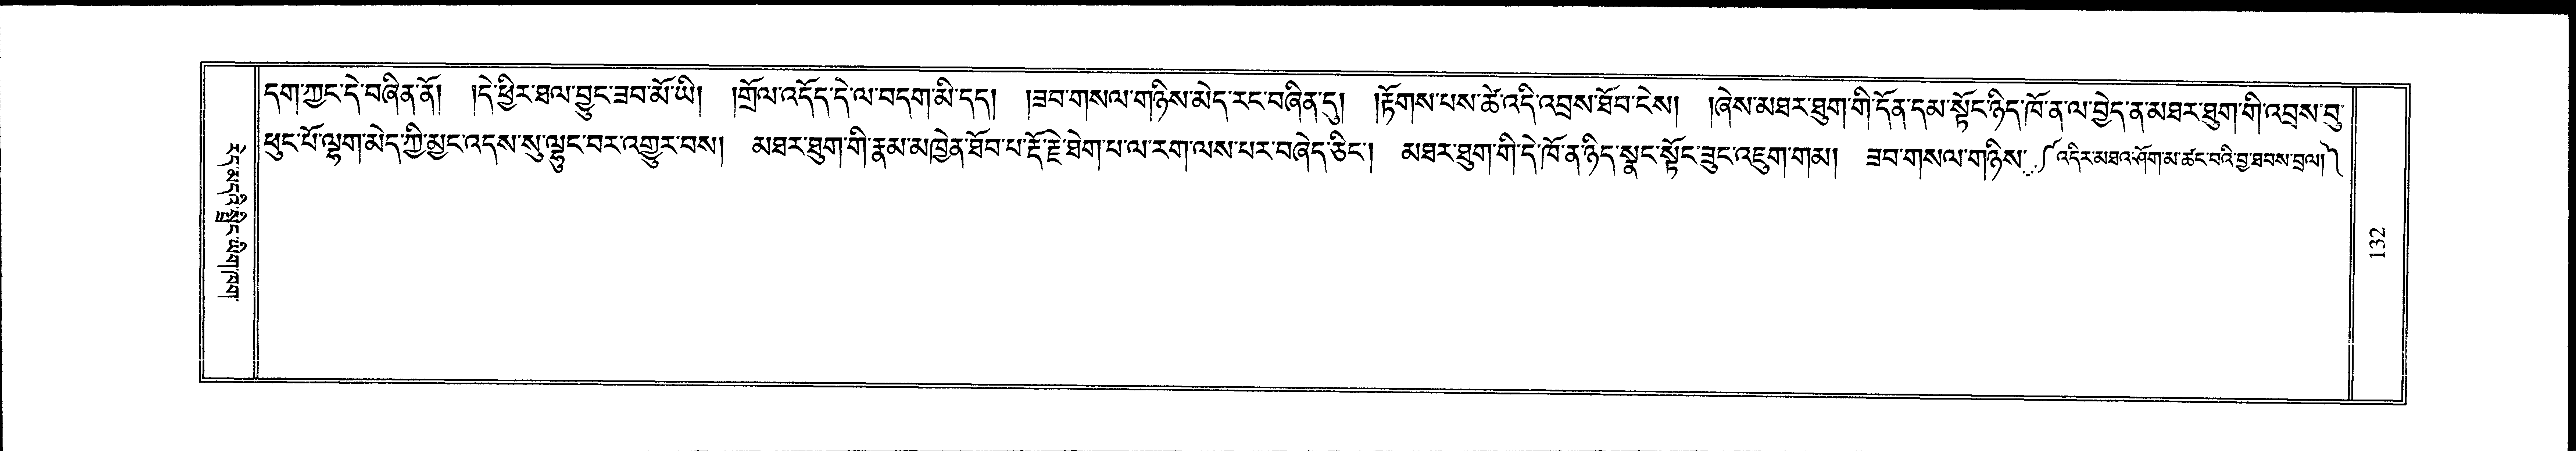དག་ཀྱང་དེ་བཞིན་ནོ། །དེ་ཕྱིར་ཐལ་བྱུང་ཟབ་མོ་ཡི། །གྲོལ་འདོད་དེ་ལ་བདག་མི་དད། །ཟབ་གསལ་གཉིས་མེད་རང་བཞིན་དུ། །རྟོགས་པས་ཚེ་འདི་འབྲས་ཐོབ་ངེས། །ཞེས་མཐར་ཐུག་གི་དོན་དམ་སྟོང་ཉིད་ཁོ་ན་ལ་བྱེད་ན་མཐར་ཐུག་གི་འབྲས་བུ་
ཕུང་པོ་ལྷག་མེད་ཀྱི་མྱང་འདས་སུ་ལྷུང་བར་འགྱུར་བས། མཐར་ཐུགས་གི་རྣམ་མཁྱེན་ཐོབ་པ་རྡོ་རྗེ་ཐེག་པ་ལ་རག་ལས་པར་བཞེད་ཅིང་། མཐར་ཐུག་གི་དེ་ཁོ་ན་ཉིད་སྣང་སྟོང་ཟུང་འཇུག་གམ། ཟབ་གསལ་གཉིས་{འདིར་མཐའ་ཤོག་མ་ཚང་བའི་བྱ་ཐབས་བྲལ།